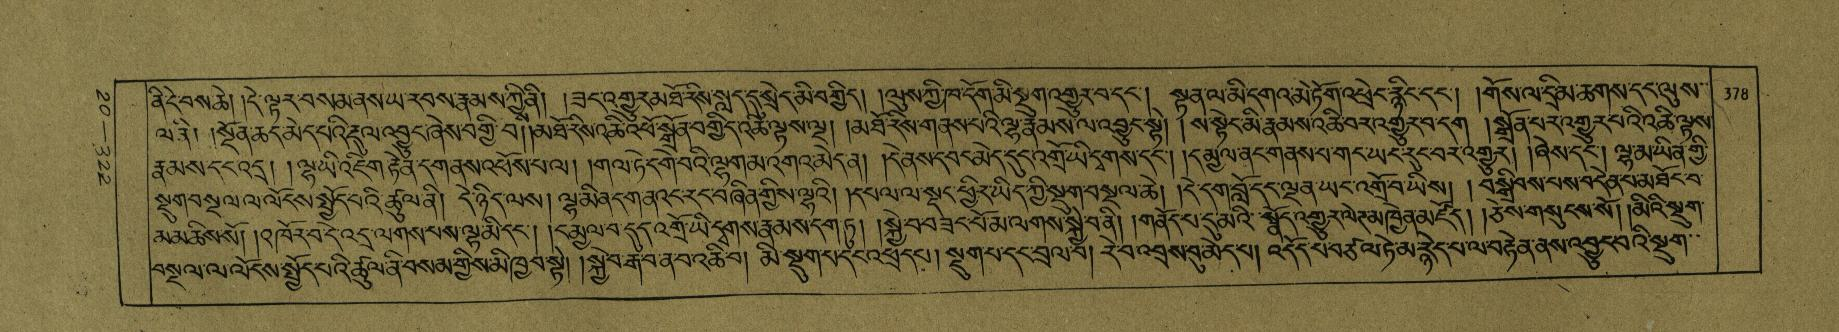ནི་དེ་བས་ཆེ། །དེ་ལྟར་བསམ་ནས་ཡ་རབས་རྣམས་ཀྱིས་ནི། །ཟད་འགྱུར་མཐོ་རིས་སླད་དུ་སྲེད་མི་བགྱིད། །ལུས་ཀྱི་ཁ་དོག་མི་སྡུག་འགྱུར་བ་དང་། སྟན་ལ་མི་དགའ་མེ་ཏོག་འཕྲེང་རྙིང་དང་། །གོས་ལ་དྲི་མ་ཆགས་དང་ལུས་
ལ་ནི། །སྔོན་ཆད་མེད་པའི་རྡུལ་འབྱུང་ཞེས་བགྱི་བ། །མཐོ་རིས་འཆི་འཕོ་སྒྲོན་བགྱིད་འཆི་ལྟས་ལྔ། །མཐོ་རིས་གནས་པའི་ལྷ་རྣམས་ལ་འབྱུང་སྟེ། །ས་སྟེང་མི་རྣམས་འཆི་བར་འགྱུར་བ་དག །སྒྲོན་པར་འགྱུར་པའི་འཆི་ལྟས་
རྣམས་དང་འདྲ། །ལྷ་ཡི་འཇིག་རྟེན་དག་ནས་འཕོས་པ་ལ། །གལ་ཏེ་དགེ་བའི་ལྷག་མ་འགའ་མེད་ན། །དེ་ནས་དབང་མེད་དུད་འགྲོ་ཡི་དྭགས་དང་། །དམྱལ་ནང་གནས་པ་གང་ཡང་རུང་བར་འགྱུར། །ཞེས་དང་། ལྷ་མ་ཡིན་གྱི་
སྡུག་བསྔལ་ལ་ལོངས་སྤྱོད་པའི་ཚུལ་ནི། དེ་ཉིད་ལས། ལྷ་མིན་དག་ནའང་རང་བཞིན་གྱིས་ལྷའི། །དཔལ་ལ་སྡང་ཕྱིར་ཡིད་ཀྱི་སྡུག་བསྔལ་ཆེ། །དེ་དག་བློ་དང་ལྡན་ཡང་འགྲོ་བ་ཡིས། །བསྒྲིབས་པས་བདེན་པ་མཐོང་བ་
མ་མཆིས་སོ། །འཁོར་བ་དེ་འདྲ་ལགས་པས་ལྷ་མི་དང་། །དམྱལ་བ་དུད་འགྲོ་ཡི་དྭགས་རྣམས་དག་ཏུ། །སྐྱེ་བ་བཟང་པོ་མ་ལགས་སྐྱེ་བ་ནི། །གནོད་པ་དུ་མའི་སྣོད་འགྱུར་ལེཊ་མཁྱེན་མཛོད། །ཅེས་གསུངས་སོ། །མིའི་སྡུག་
བསྔལ་ལ་ལོངས་སྤྱོད་པའི་ཚུལ་ནི་བསམ་གྱིས་མི་ཁྱབ་སྟེ། །སྐྱེ་བ་རྒ་བ་ན་བ་འཆི་བ། མི་སྡུག་པ་དང་འཕྲད་པ། སྡུག་པ་དང་བྲལ་བ། རེ་བ་འབྲས་བུ་མེད་པ། འདོད་པ་བཙལ་ཏེ་མ་རྙེད་པ་ལ་བརྟེན་ནས་འབྱུང་བའི་སྡུག་